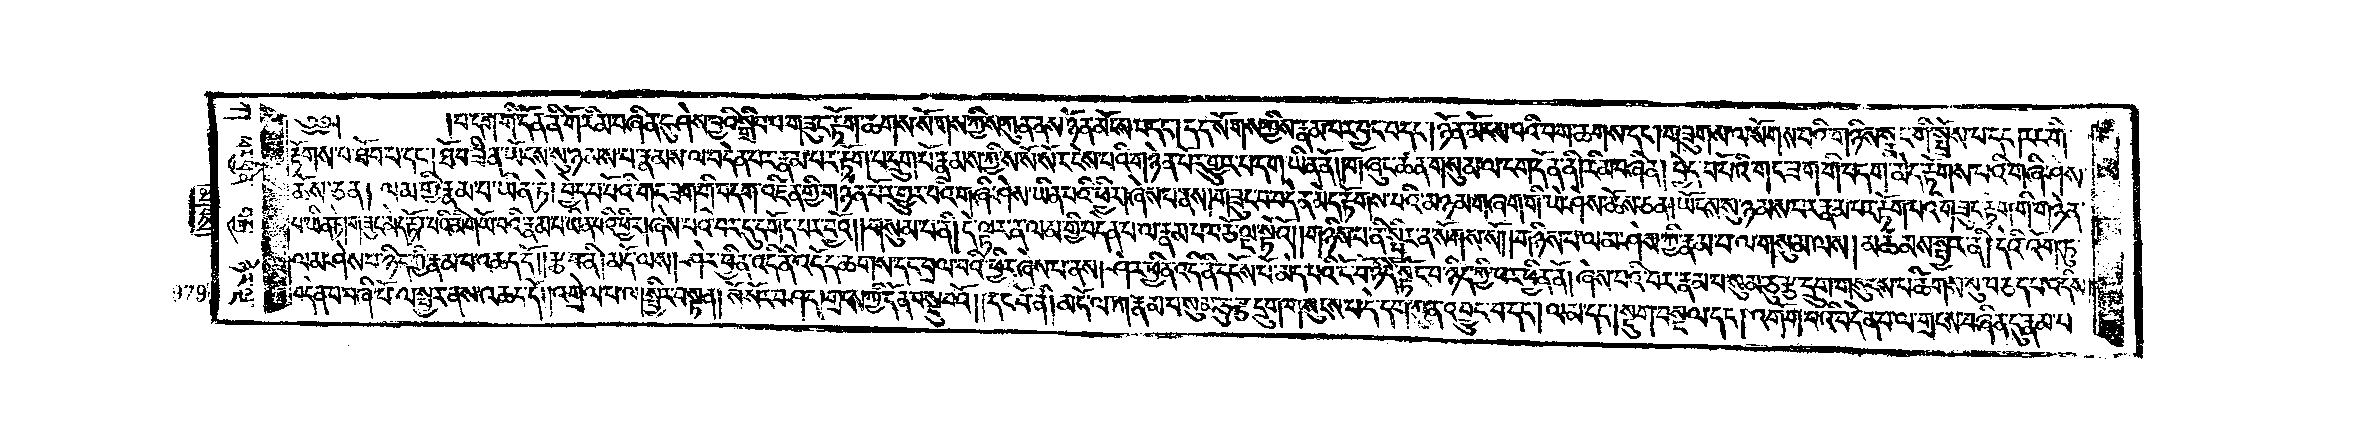༄༅། །པ་དག་གི་དོན་ནི་གོ་རིམ་བཞིན་དུ་ཤེས་བྱའི་སྒྲིབ་པ་གཟུང་རྟོག་ཆགས་སོགས་ཀྱིས་ཀུན་ནས་ཉོན་མོངས་པ་དང་། དད་སོགས་ཀྱིས་རྣམ་པར་བྱང་བ་དང་། ཉོན་མོངས་པའི་བག་ཆགས་དང་། གཟུགས་ལ་སོགས་པའི་གཉིས་སྣང་གི་སྤྲོས་པ་དང་། རང་གི་
རྟོགས་པ་ཐོབ་པ་དང་། ཐོབ་ཟིན་ཡོངས་སུ་ཉམས་པ་རྣམས་ལ་བདེན་པར་རྣམ་པར་རྟོག་པ་དྲུག་པོ་རྣམས་ཀྱིས་སོ་སོར་ངེས་པའི་གཉེན་པོར་གྱུར་པ་དག་ཡིན་ནོ། །གཞུང་ཚན་གསུམ་ལ་ངག་དོན་ནི། རིམ་བཞིན། བྱེད་པ་པོའི་གང་ཟག་གི་བདག་མེད་རྟོགས་པའི་གཞི་ཤེས་
ཆོས་ཅན། ལམ་གྱི་རྣམ་པ་ཡིན་ཏེ། བྱེད་པ་པོའི་གང་ཟག་གི་བདག་འཛིན་གྱི་གཉེན་པོར་གྱུར་པའི་གཞི་ཤེས་ཡིན་པའི་ཕྱིར། ཞེས་པ་ནས། གཟུང་བ་བདེན་མེད་རྟོགས་པའི་མཉམ་གཞག་གི་ཡེ་ཤེས་ཆོས་ཅན། ཡོངས་སུ་ཉམས་པར་རྣམ་པར་རྟོགས་པའི་གཟུང་རྟོག་གི་གཉེན་
པོ་ཡིན་ཏེ། གཟུང་མེད་རྟོགས་པའི་མི་གཡོ་བའི་རྣམ་པ་ཡིན་པའི་ཕྱིར། ཞེས་པའི་བར་དུ་དགོས་པར་བྱའོ། །གསུམ་པ་ནི། དེ་ལྟར་ན་ལམ་གྱི་བདེན་པ་ལ་རྣམ་པ་བཅོ་ལྔ་སྟེའོ། །གཉིས་པ་ནི་སྤྱིར་ན་སོགས་སོ། །གཉིས་པ་ལམ་ཤེས་ཀྱི་རྣམ་པ་ལ་གསུམ་ལས། མཚམས་སྦྱར་ནི། དེའི་འོག་ཏུ་
ལམ་ཤེས་པ་ཉིད་ཀྱི་རྣམ་པ་འཆད་དོ། །རྩ་བ་ནི། མདོ་ལས། ཤེར་ཕྱིན་འདི་ནི་འདོད་ཆགས་དང་བྲལ་བའི་ཕྱིར་ཞེས་པ་ནས། ཤེར་ཕྱིན་འདི་ནི་དངོས་པོ་མེད་པའི་ངོ་བོ་ཉིད་སྟོང་པ་ཉིད་ཀྱི་ཕར་ཕྱིན་ནོ། ཞེས་པའི་བར་རྣམ་པ་སུམ་ཅུ་རྩ་དྲུག་གསུངས་པ་ཚིགས་སུ་བཅད་པ་འདིས།
བདེན་པ་བཞི་པོ་ལ་སྦྱར་ནས་འཆད་དོ། །འགྲེལ་པ་ལ། སྤྱིར་བསྟན། སོ་སོར་བཤད། གྲངས་ཀྱི་དོན་བསྡུ་བའོ། །དང་པོ་ནི། མདོ་ལ་ཀ་རྣམ་པ་སུམ་ཅུ་རྩ་དྲུག་གསུངས་པ་དེ་དག་ཀུན་འབྱུང་བ་དང་། ལམ་དང་། སྡུག་བསྔལ་དང་། འགོག་པའི་བདེན་པ་ལ་གྲངས་བཞིན་དུ་རྣམ་པ་